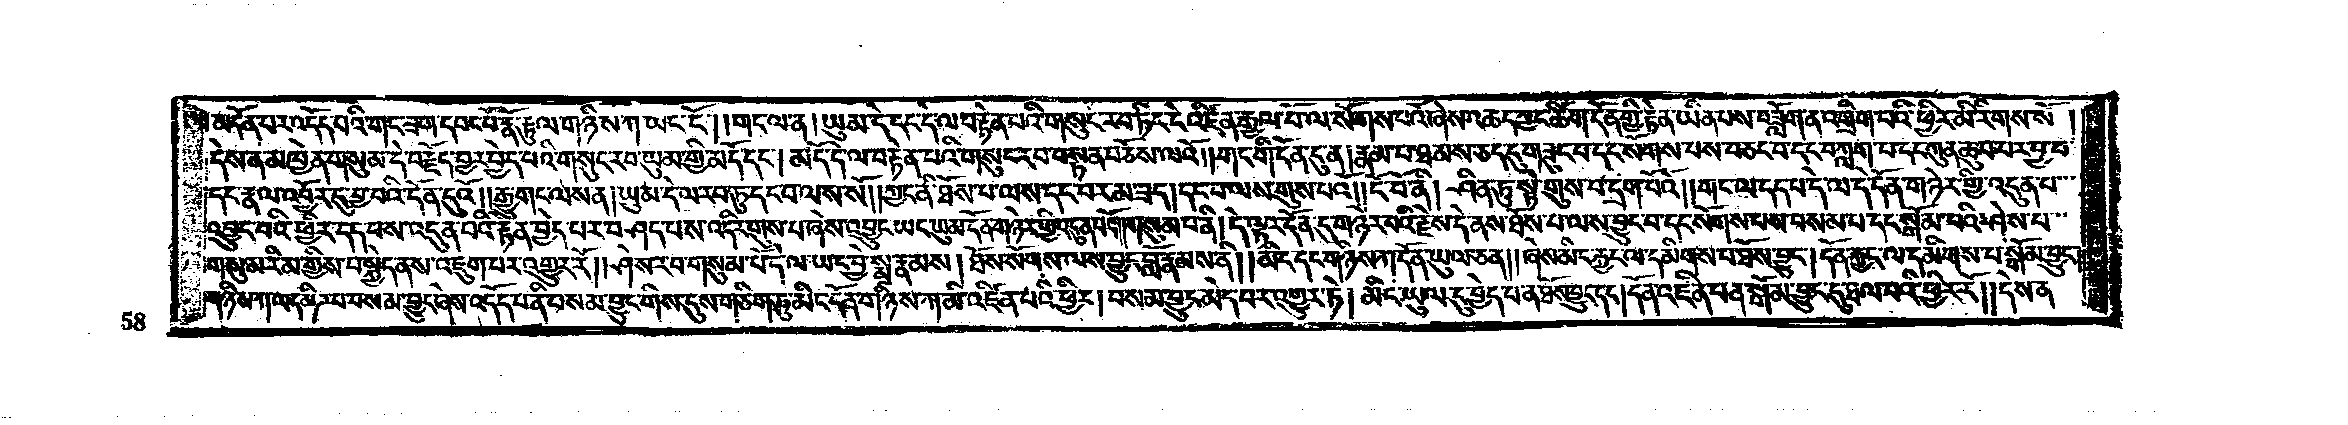མངོན་པར་འདོད་པའི་གང་ཟག་དབང་པོ་རྣོ་རྟུལ་གཉིས་ཀ་ཡང་ངོ། །གང་ལ་ན། ཡུམ་དེ་དང་དེ་ལ་བརྟེན་པའི་གསུང་རབ་ཏིང་ངེ་འཛིན་རྒྱལ་པོ་ལ་སོགས་པའོ་ཞེས་འཆད་ཀྱང་ཚིག་དོན་གྱི་རྟེན་ཡིན་པས་བཟློག་ན་འགྲིག་པའི་ཕྱིར་མི་རིགས་སོ། །
དེས་ན་མཁྱེན་གསུམ་དེ་བརྗོད་བྱར་བྱེད་པའི་གསུང་རབ་ཡུམ་གྱི་མདོ་དང་། མདོ་དེ་ལ་བརྟེན་པའི་གསུང་རབ་བསྟན་བཅོས་ལའོ། །གང་གི་དོན་དུ་ན། རྣམ་པ་ཐམས་ཅད་དུ་གཟུང་བ་དང་སོགས་པས་བཅང་བ་དང་བཀླག་པ་དང་ཀུན་ཆུབ་པར་བྱ་བ་
དང་རྣལ་འབྱོར་དུ་བྱ་བའི་དོན་དུའོ། །རྒྱུ་གང་ལས་ན། ཡུམ་དེ་ལ་རབ་ཏུ་དང་བ་ལས་སོ། །ཀྱང་ནི་ཐོས་པ་ལས་དང་བར་མ་ཟད། དང་བ་ལས་གུས་པའོ། །ངོ་བོ་ནི། ཤིན་ཏུ་སྟེ་གུས་པ་དྲག་པའོ། །གང་ལ་དད་པ་དེ་ལ་དེ་དོན་གཉེར་གྱི་འདུན་པ་
འབྱུང་བའི་ཕྱིར་དད་པས་འདུན་པའི་རྟེན་བྱེད་པར་བཤད་པས་འདིར་གུས་པ་ཞེས་འབྱུང་ཡང་ཡུམ་དོན་གཉེར་གྱི་འདུན་པའོ། །གསུམ་པ་ནི། དེ་ལྟར་དོན་དུ་གཉེར་བའི་རྗེས་དེ་ནས་ཐོས་པ་ལས་བྱུང་བ་དང་སོགས་པས་བསམ་པ་དང་སྒོམ་པའི་ཤེས་པ་
གསུམ་རིམ་གྱིས་བསྐྱེད་ནས་འཇུག་པར་འགྱུར་རོ། །ཤེས་རབ་གསུམ་པོ་དེ་ལ་ཡང་བྱེ་སྨྲ་རྣམས། ཐོས་སོགས་ལས་བྱུང་བློ་རྣམས་ནི། །མིང་དང་གཉིས་ཀ་དོན་ཡུལ་ཅན། །ཞེས་མིང་རྐྱང་ལ་དམིགས་པ་ཐོས་བྱུང་། དོན་རྐྱང་ལ་དམིགས་པ་སྒོམ་བྱུང་།
གཉིས་ཀ་ལ་དམིགས་པ་བསམ་བྱུང་ཞེས་འདོད་པ་ནི་བསམ་བྱུང་གིས་དུས་གཅིག་ཏུ་མིང་དོན་གཉིས་ཀ་མི་འཛིན་པའི་ཕྱིར། བསམ་བྱུང་མེད་པར་འགྱུར་ཏེ། མིང་ཡུལ་དུ་བྱེད་པ་ན་ཐོས་བྱུང་དང་། དོན་འཛིན་པ་ན་སྒོམ་བྱུང་དུ་ཐལ་བའི་ཕྱིར་རོ། །དེས་ན་